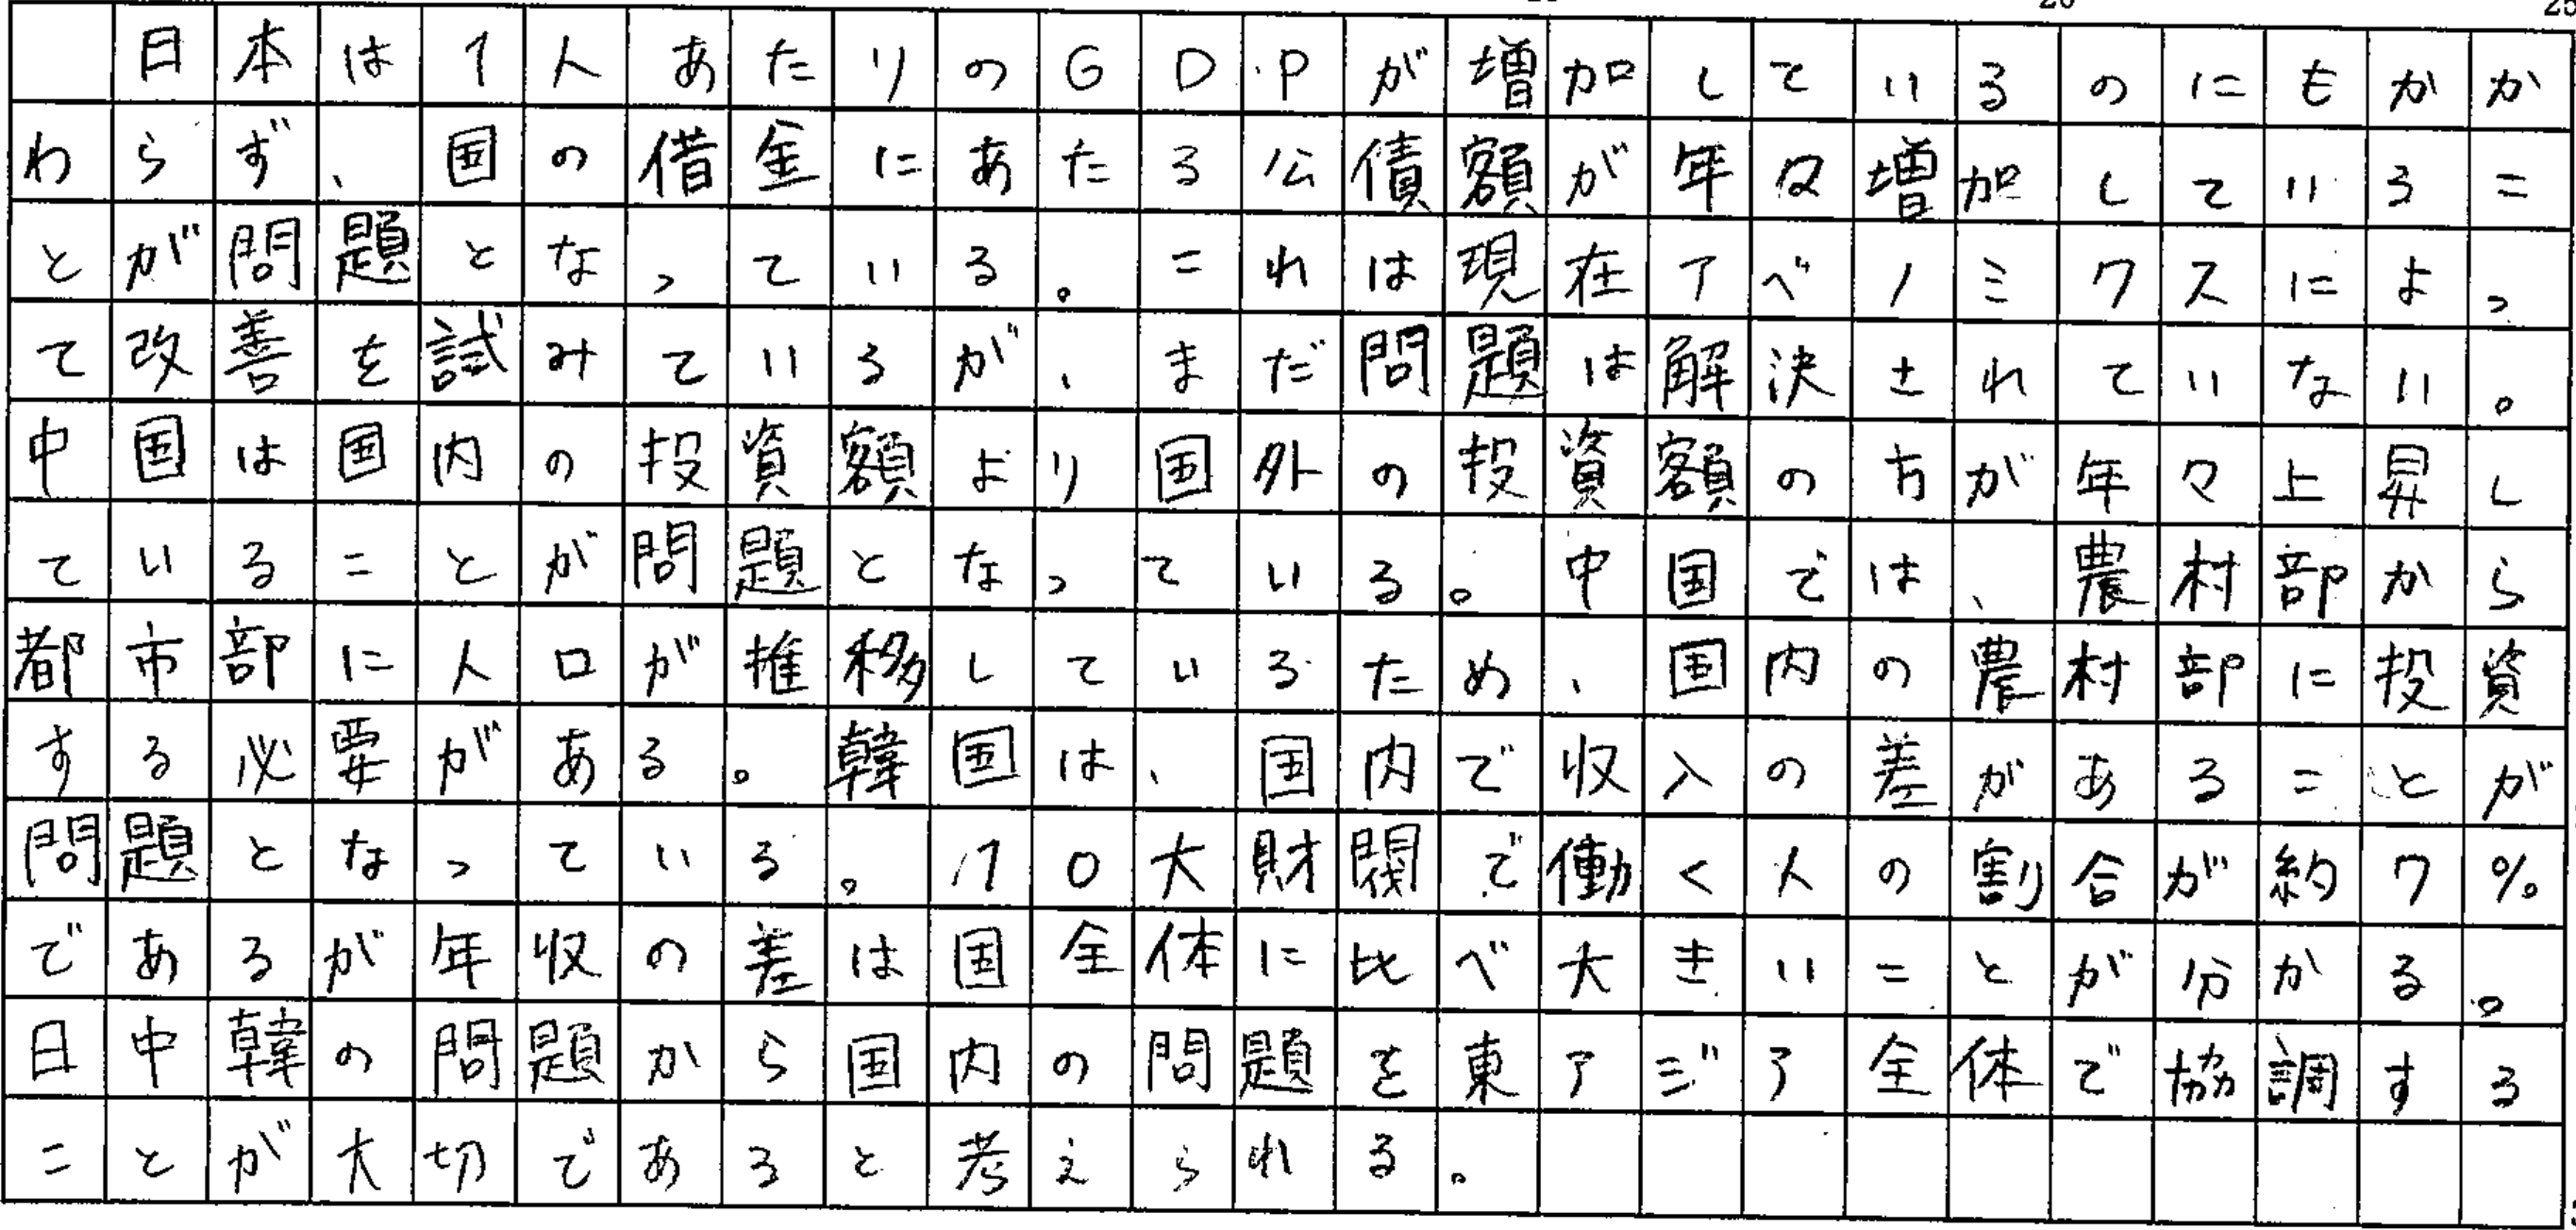　日本は１人あたりのＧＤＰが増加しているのにもかかわらず、国の借金にあたる公債額が年々増加していることが問題となっている。これは現在アベノミクスによって改善を試みているが、まだ問題は解決されていない。中国は国内の投資額より国外の投資額の方が年々上昇していることが問題となっている。中国では、農村部から都市部に人口が推移しているため、国内の農村部に投資する必要がある。韓国は、国内で収入の差があることが問題となっている。１０大財閥で働く人の割合が約７％であるが年収の差は国全体に比べ大きいことが分かる。日中韓の問題から国内の問題を東アジア全体で協調することが大切であると考えられる。
